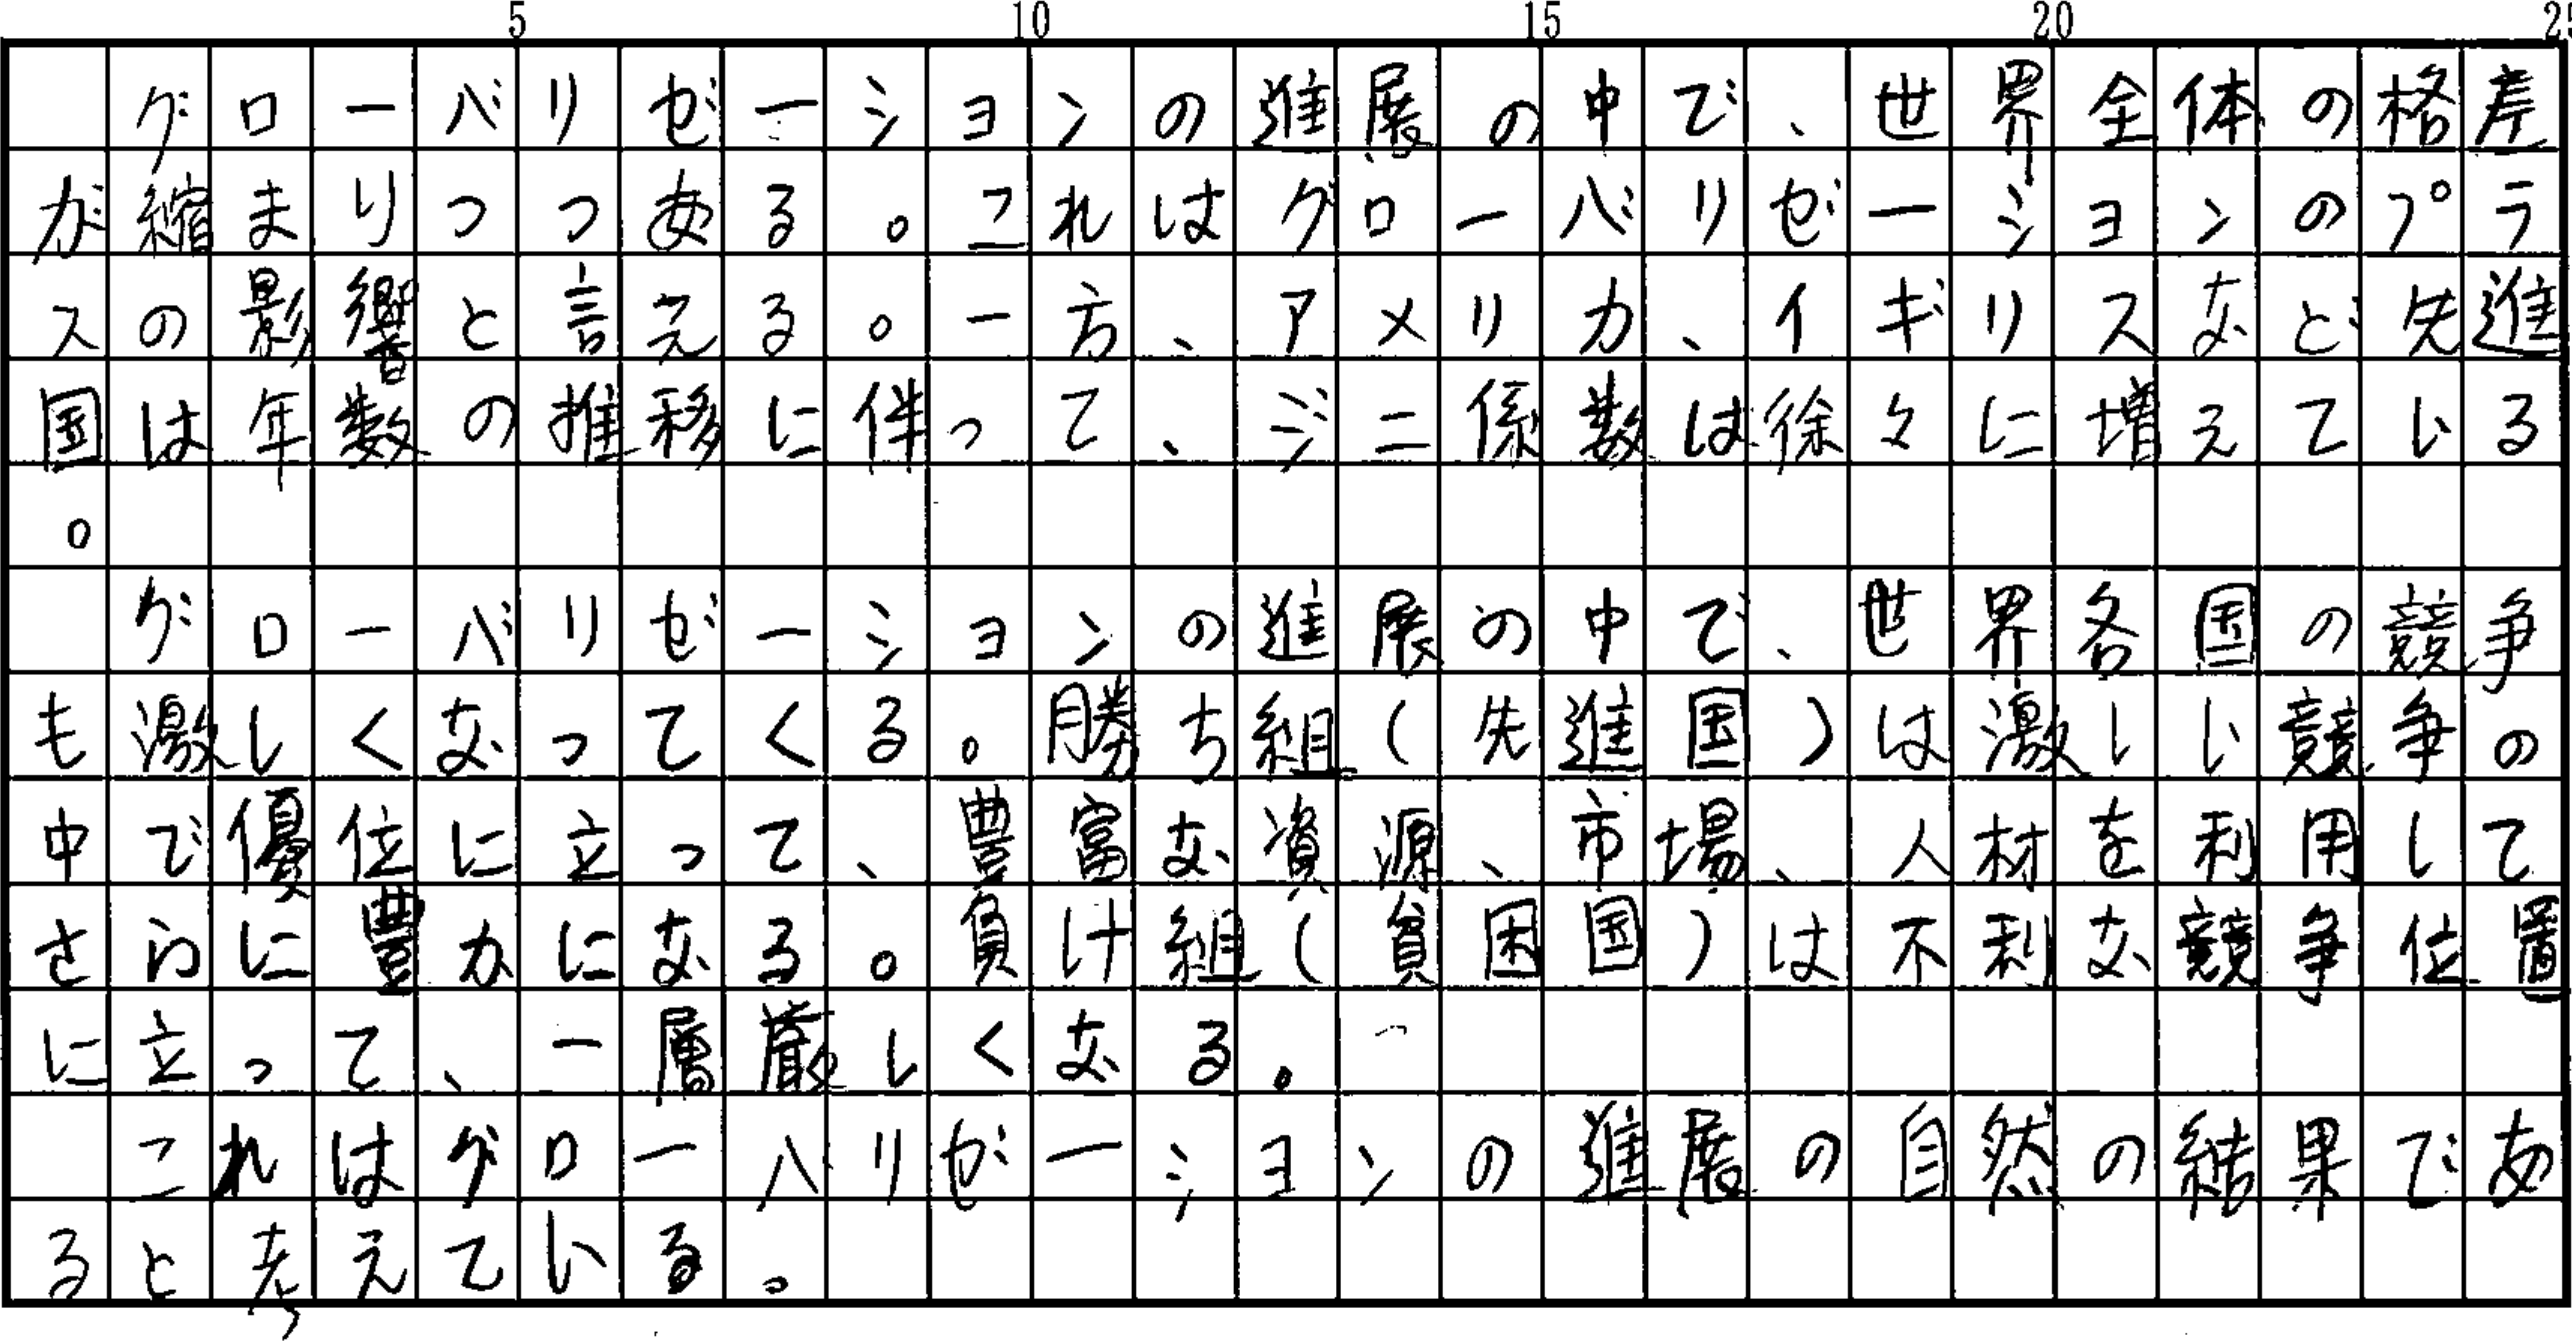　グローバリゼーションの進展の中で、世界全体の格差が縮まりつつある。これはグローバリゼーションのプラスの影響と言える。一方、アメリカ、イギリスなど先進国は年数の推移に伴って、ジニ係数は徐々に増えている。
　グローバリゼーションの進展の中で、世界各国の競争も激しくなってくる。勝ち組（先進国）は激しい競争の中で優位に立って、豊富な資源、市場、人材を利用してさらに豊かになる。負け組（貧困国）は不利な競争位置に立って、一層厳しくなる。
　これはグローバリゼーションの進展の自然の結果であると考えている。
